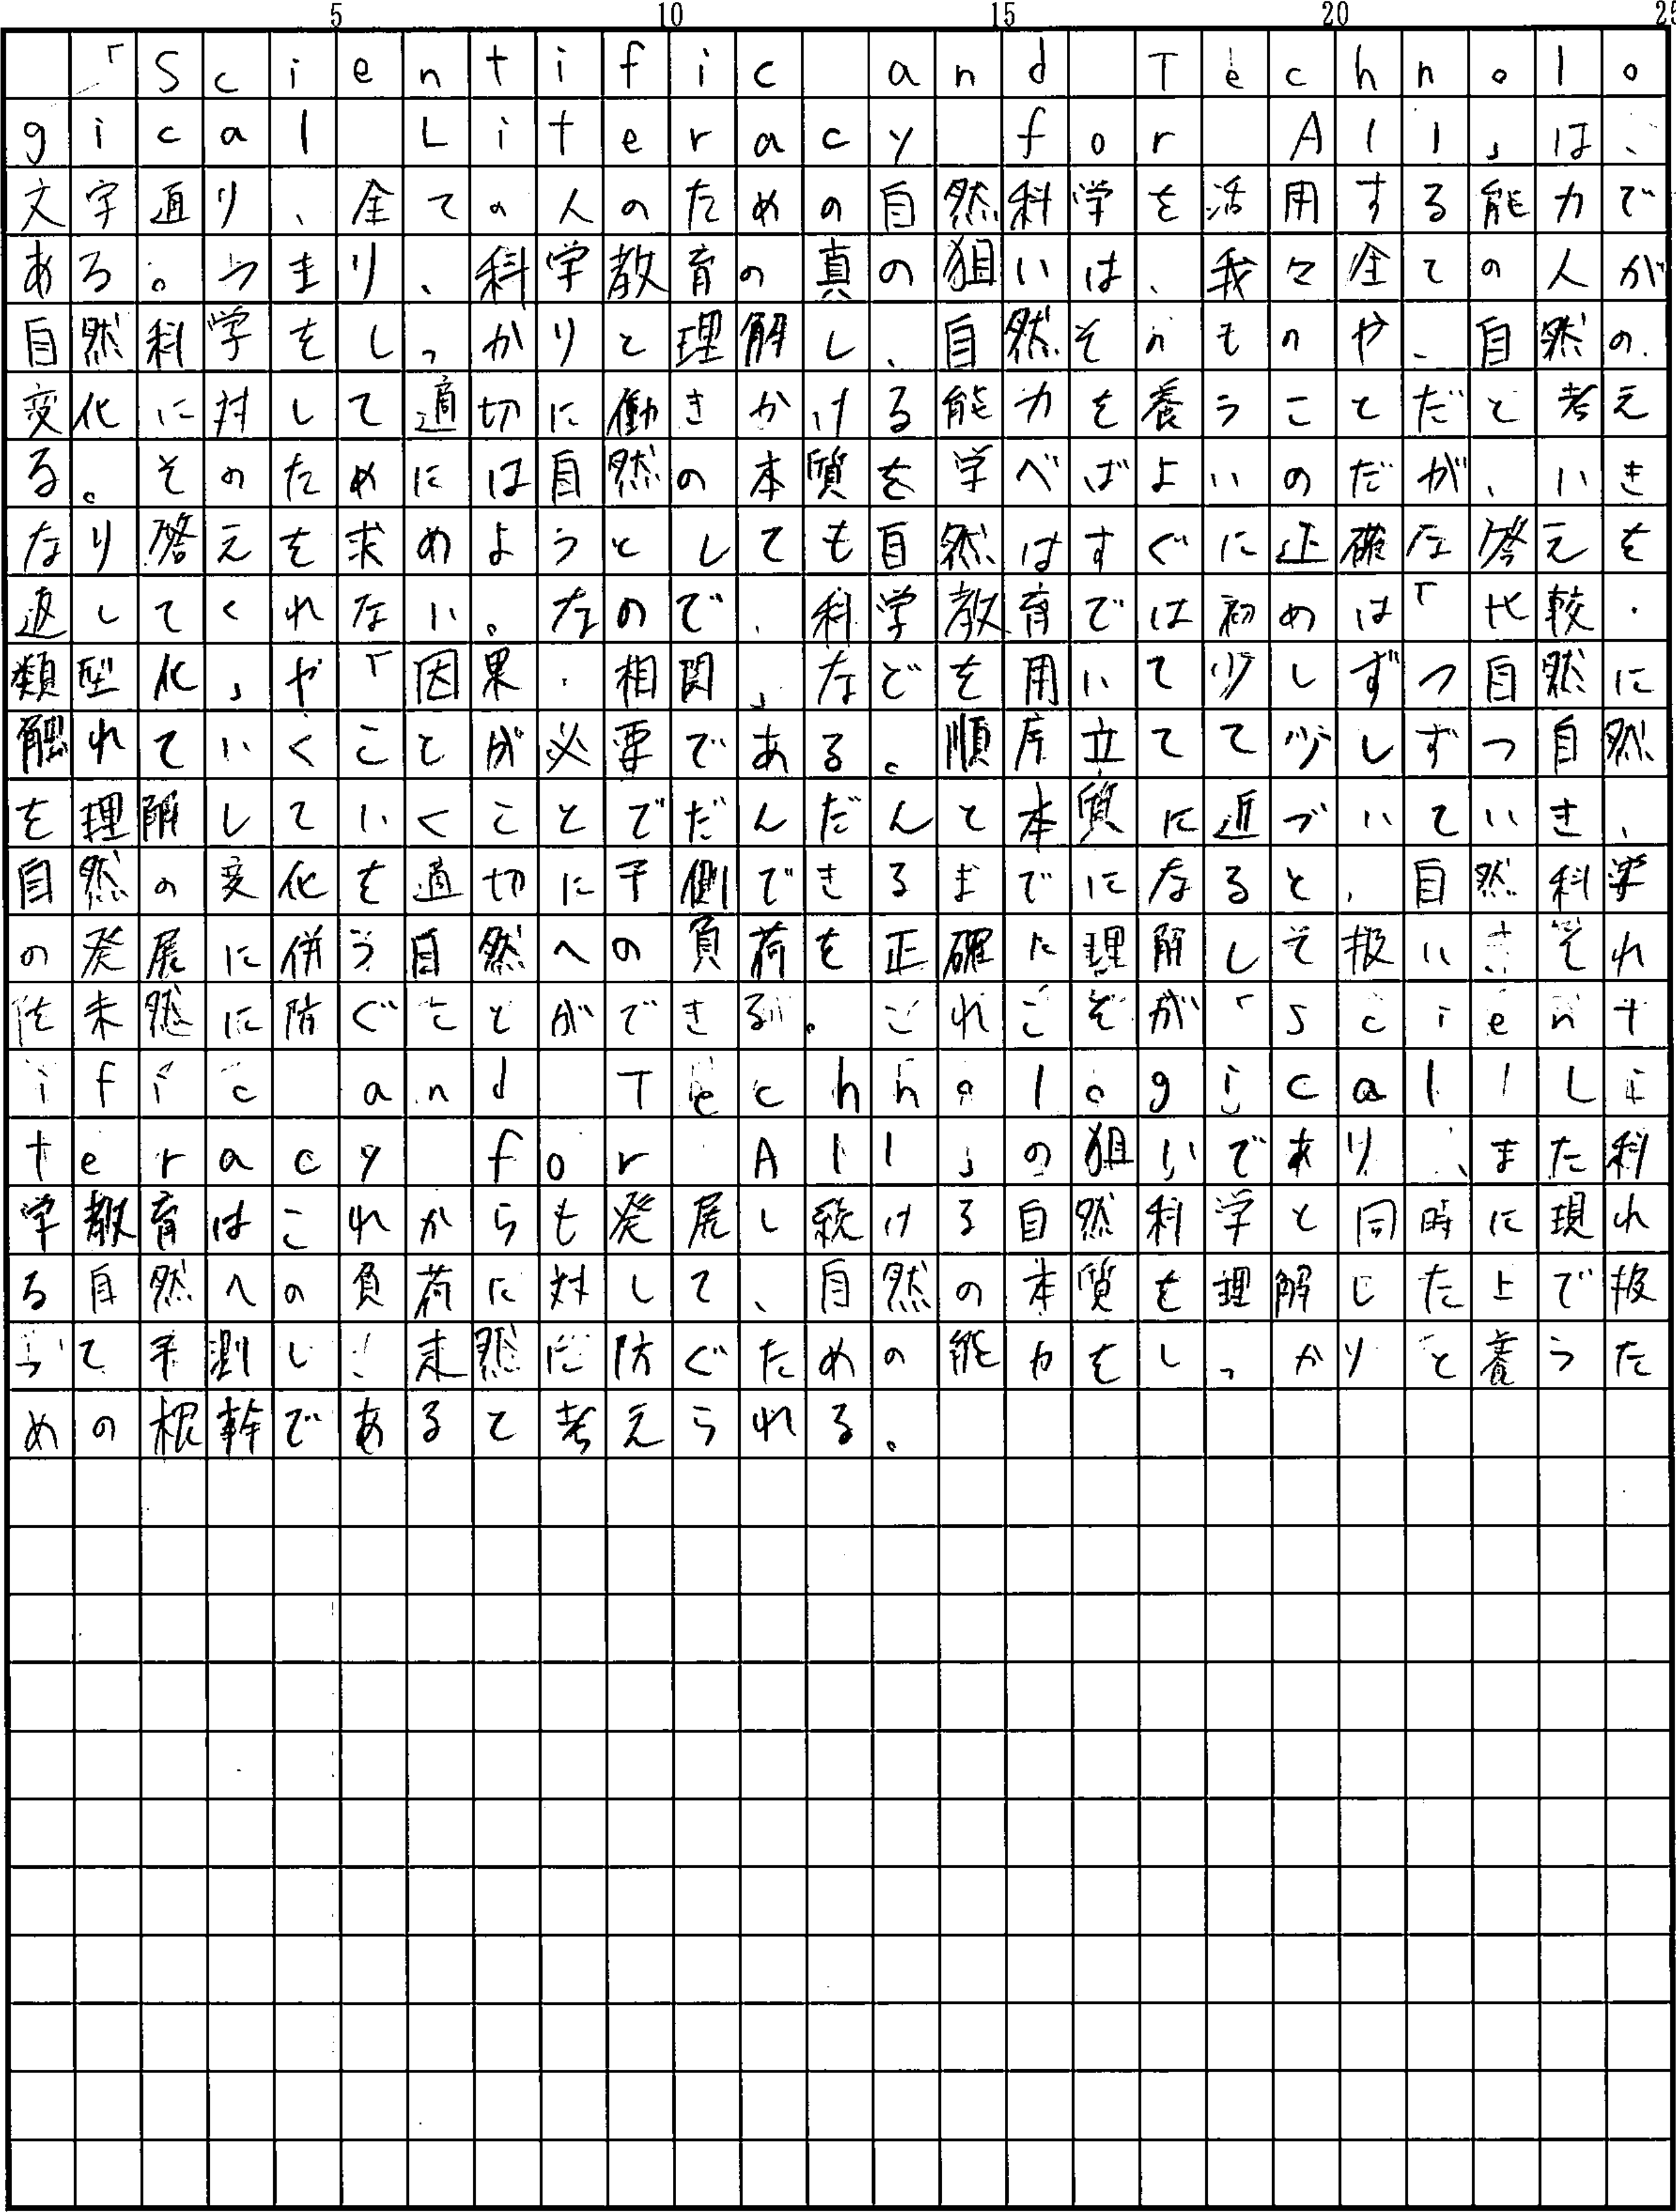　「Ｓｃｉｅｎｔｉｆｉｃ　ａｎｄ　Ｔｅｃｈｎｏｌｏｇｉｃａｌ　Ｌｉｔｅｒａｃｙ　ｆｏｒ　Ａｌｌ」は、文字通り、全ての人のための自然科学を活用する能力である。つまり、科学教育の真の狙いは、我々全ての人が自然科学をしっかりと理解し、自然そのものや、自然の変化に対して適切に働きかける能力を養うことだと考える。そのためには自然の本質を学べばよいのだが、いきなり答えを求めようとしても自然はすぐに正確な答えを返してくれない。なので、科学教育では初めは｢比較・類型化｣や｢因果・相関｣などを用いて少しずつ自然に触れていくことが必要である。順序立てて少しずつ自然を理解していくことでだんだんと本質に近づいていき、自然の変化を適切に予側できるまでになると、自然科学の発展に併う自然への負荷を正確に理解して扱い、それを未然に防ぐことができる。これこそが「Ｓｃｉｅｎｔｉｆｉｃ　ａｎｄ　Ｔｅｃｈｎｏｌｏｇｉｃａｌ　Ｌｉｔｅｒａｃｙ　ｆｏｒ　Ａｌｌ」の狙いであり、また科学教育はこれからも発展し続ける自然科学と同時に現れる自然への負荷に対して、自然の本質を理解した上で扱って予測し、未然に防ぐための能力をしっかりと養うための根幹であると考えられる。
